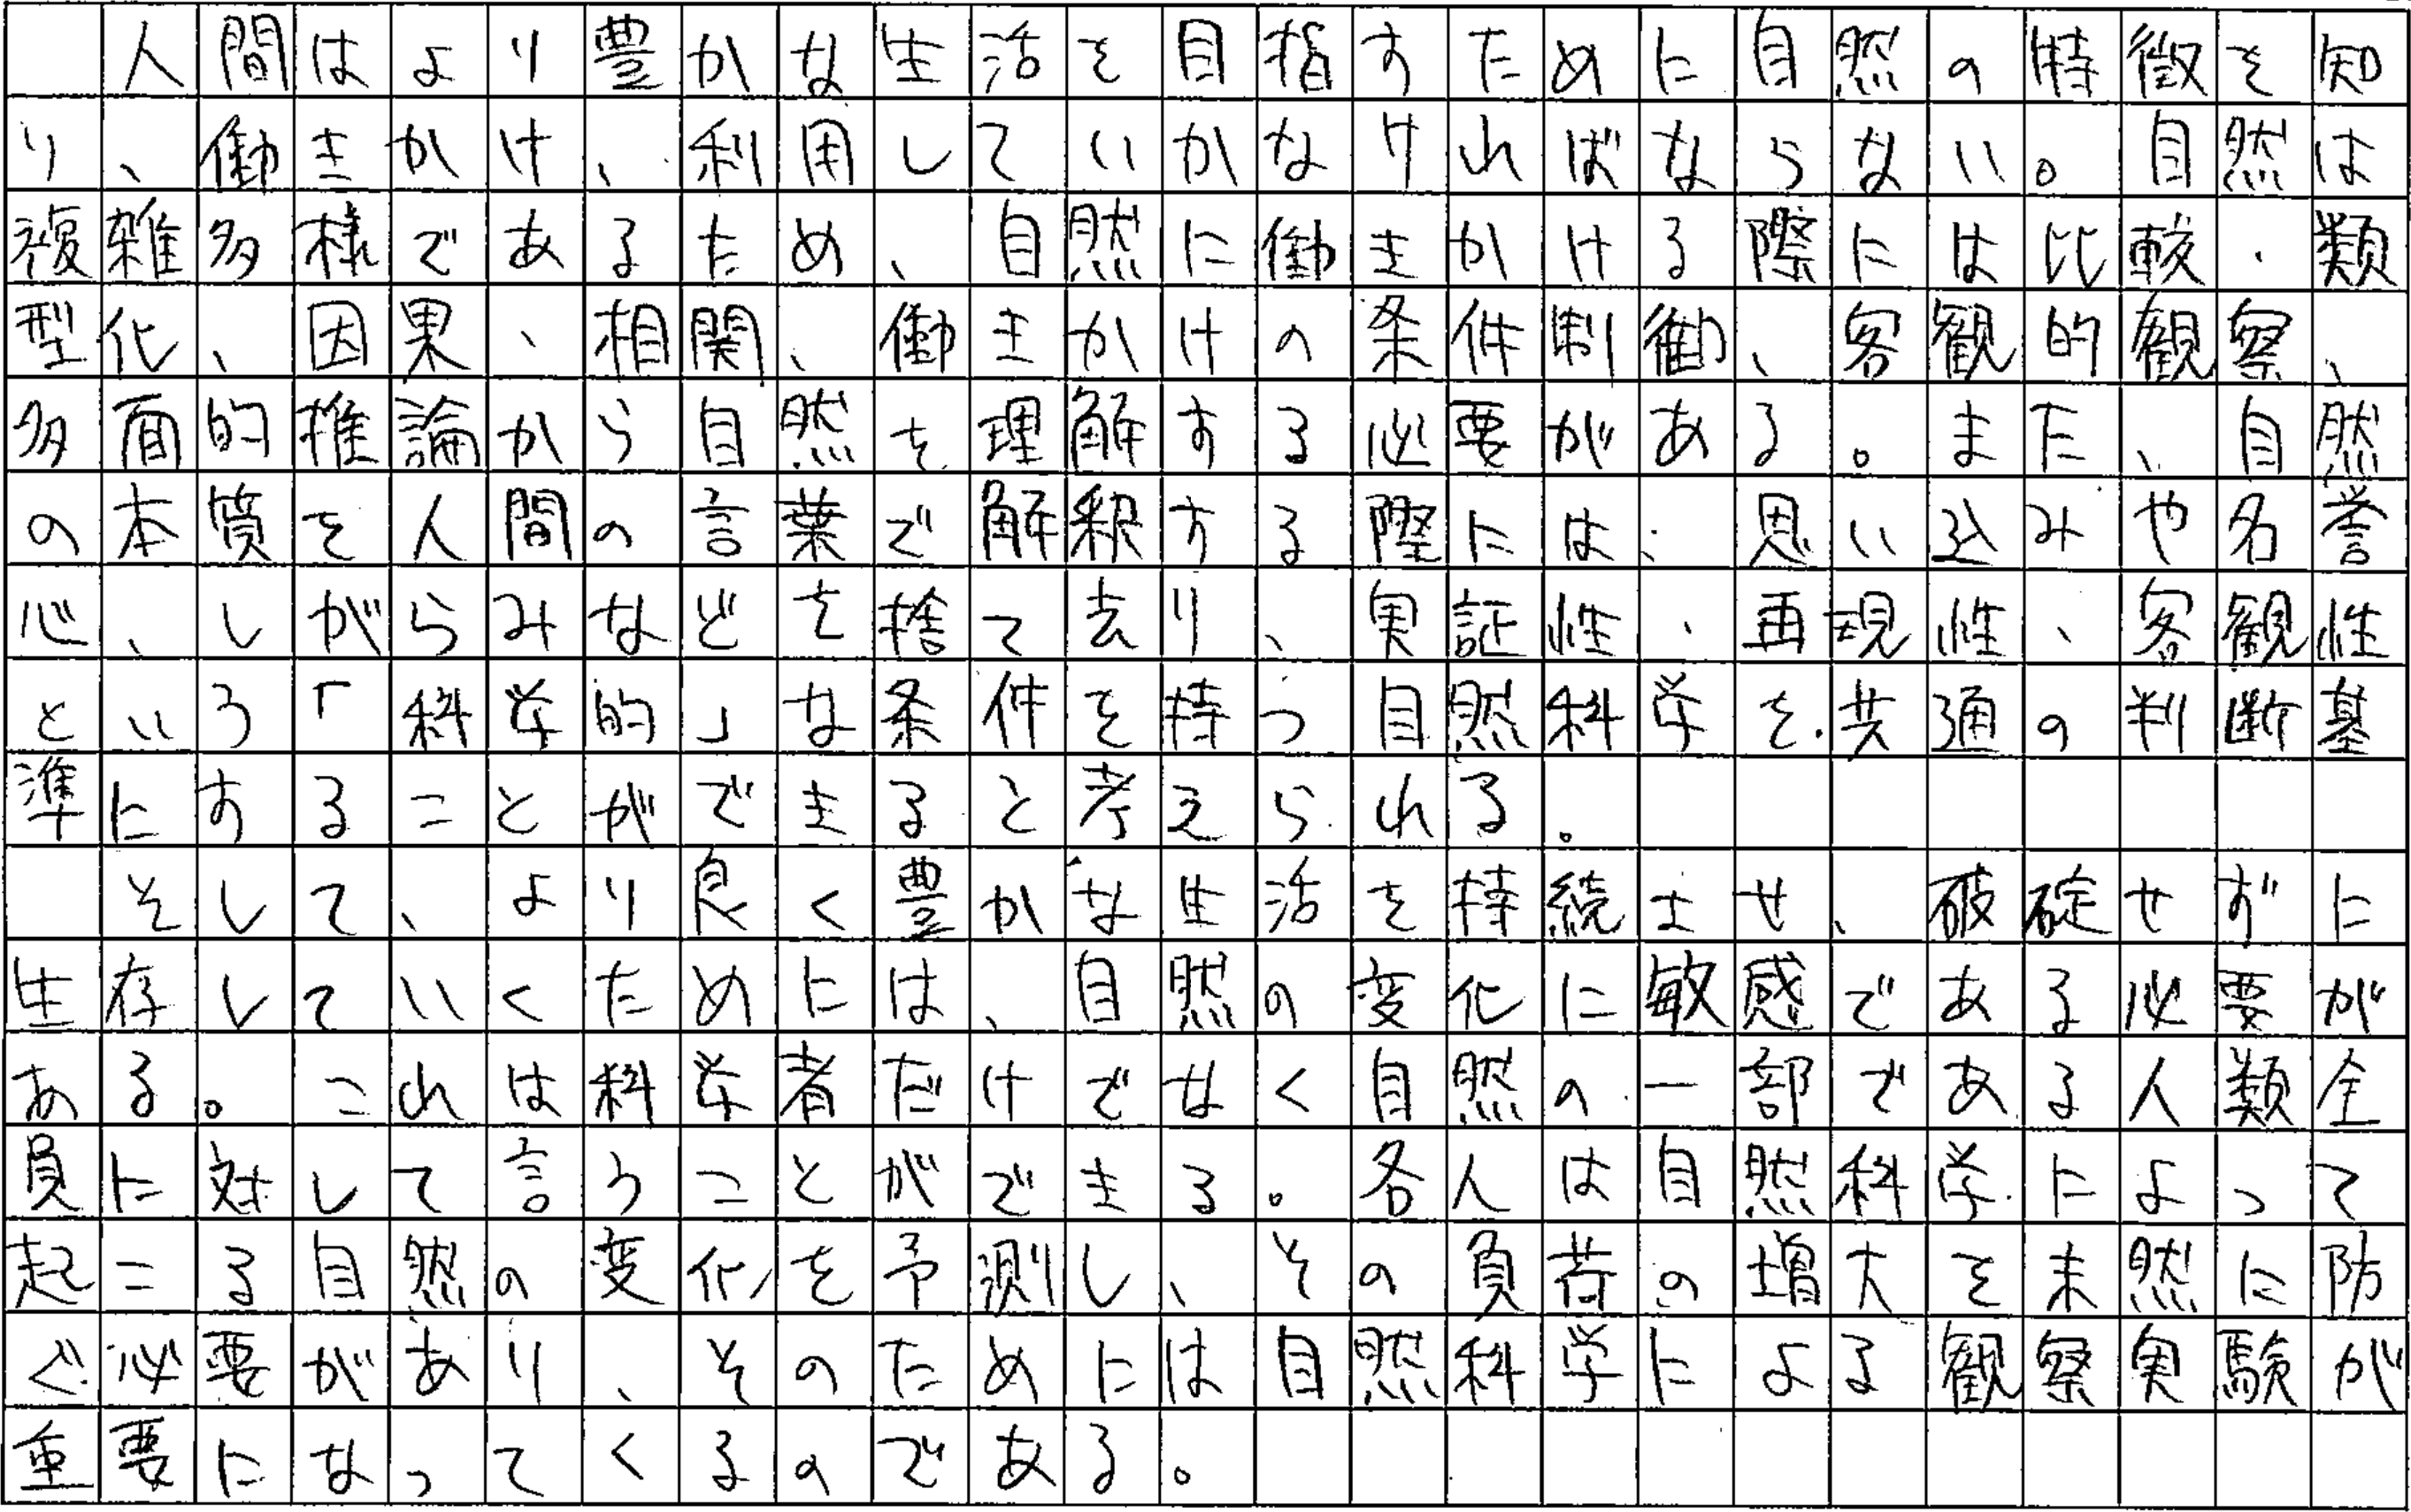　人間はより豊かな生活を目指すために自然の特徴を知り、働きかけ、利用していかなければならない。自然は複雑多様であるため、自然に働きかける際には比較・類型化、因果・相関、働きかけの条件制御、客観的観察、多面的推論から自然を理解する必要がある。また、自然の本質を人間の言葉で解釈する際には、思い込みや名誉心、しがらみなどを捨て去り、実証性・再現性・客観性という「科学的」な条件を持つ自然科学を共通の判断基準にすることができると考えられる。
　そして、より良く豊かな生活を持続させ、破碇せずに生存していくためには、自然の変化に敏感である必要がある。これは科学者だけでなく自然の一部である人類全員に対して言うことができる。各人は自然科学によって起こる自然の変化を予測し、その負荷の増大を未然に防ぐ必要があり、そのためには自然科学による観察実験が重要になってくるのである。
